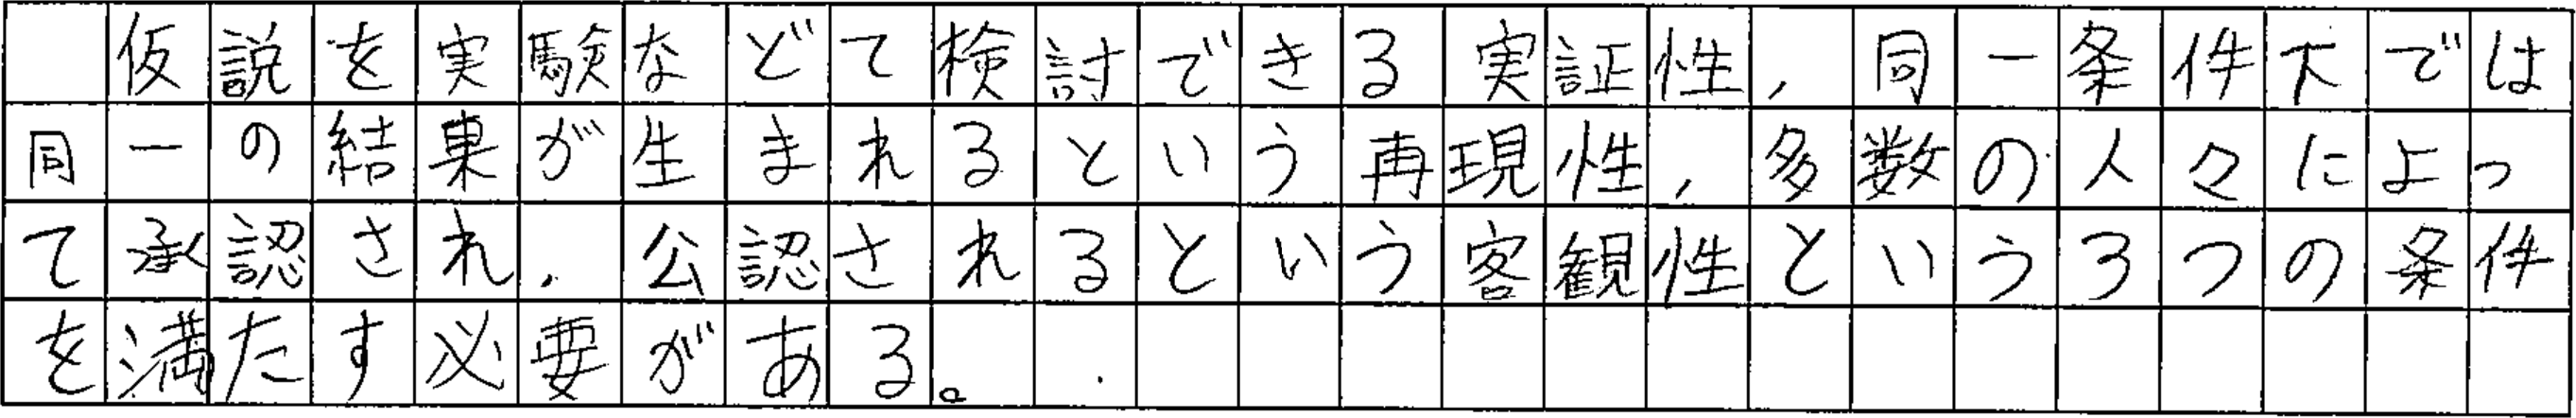　仮説を実験などて検討できる実証性、同一条件下では同一の結果が生まれるという再現性、多数の人々によって承認され、公認されるという客観性という３つの条件を満たす必要がある。
